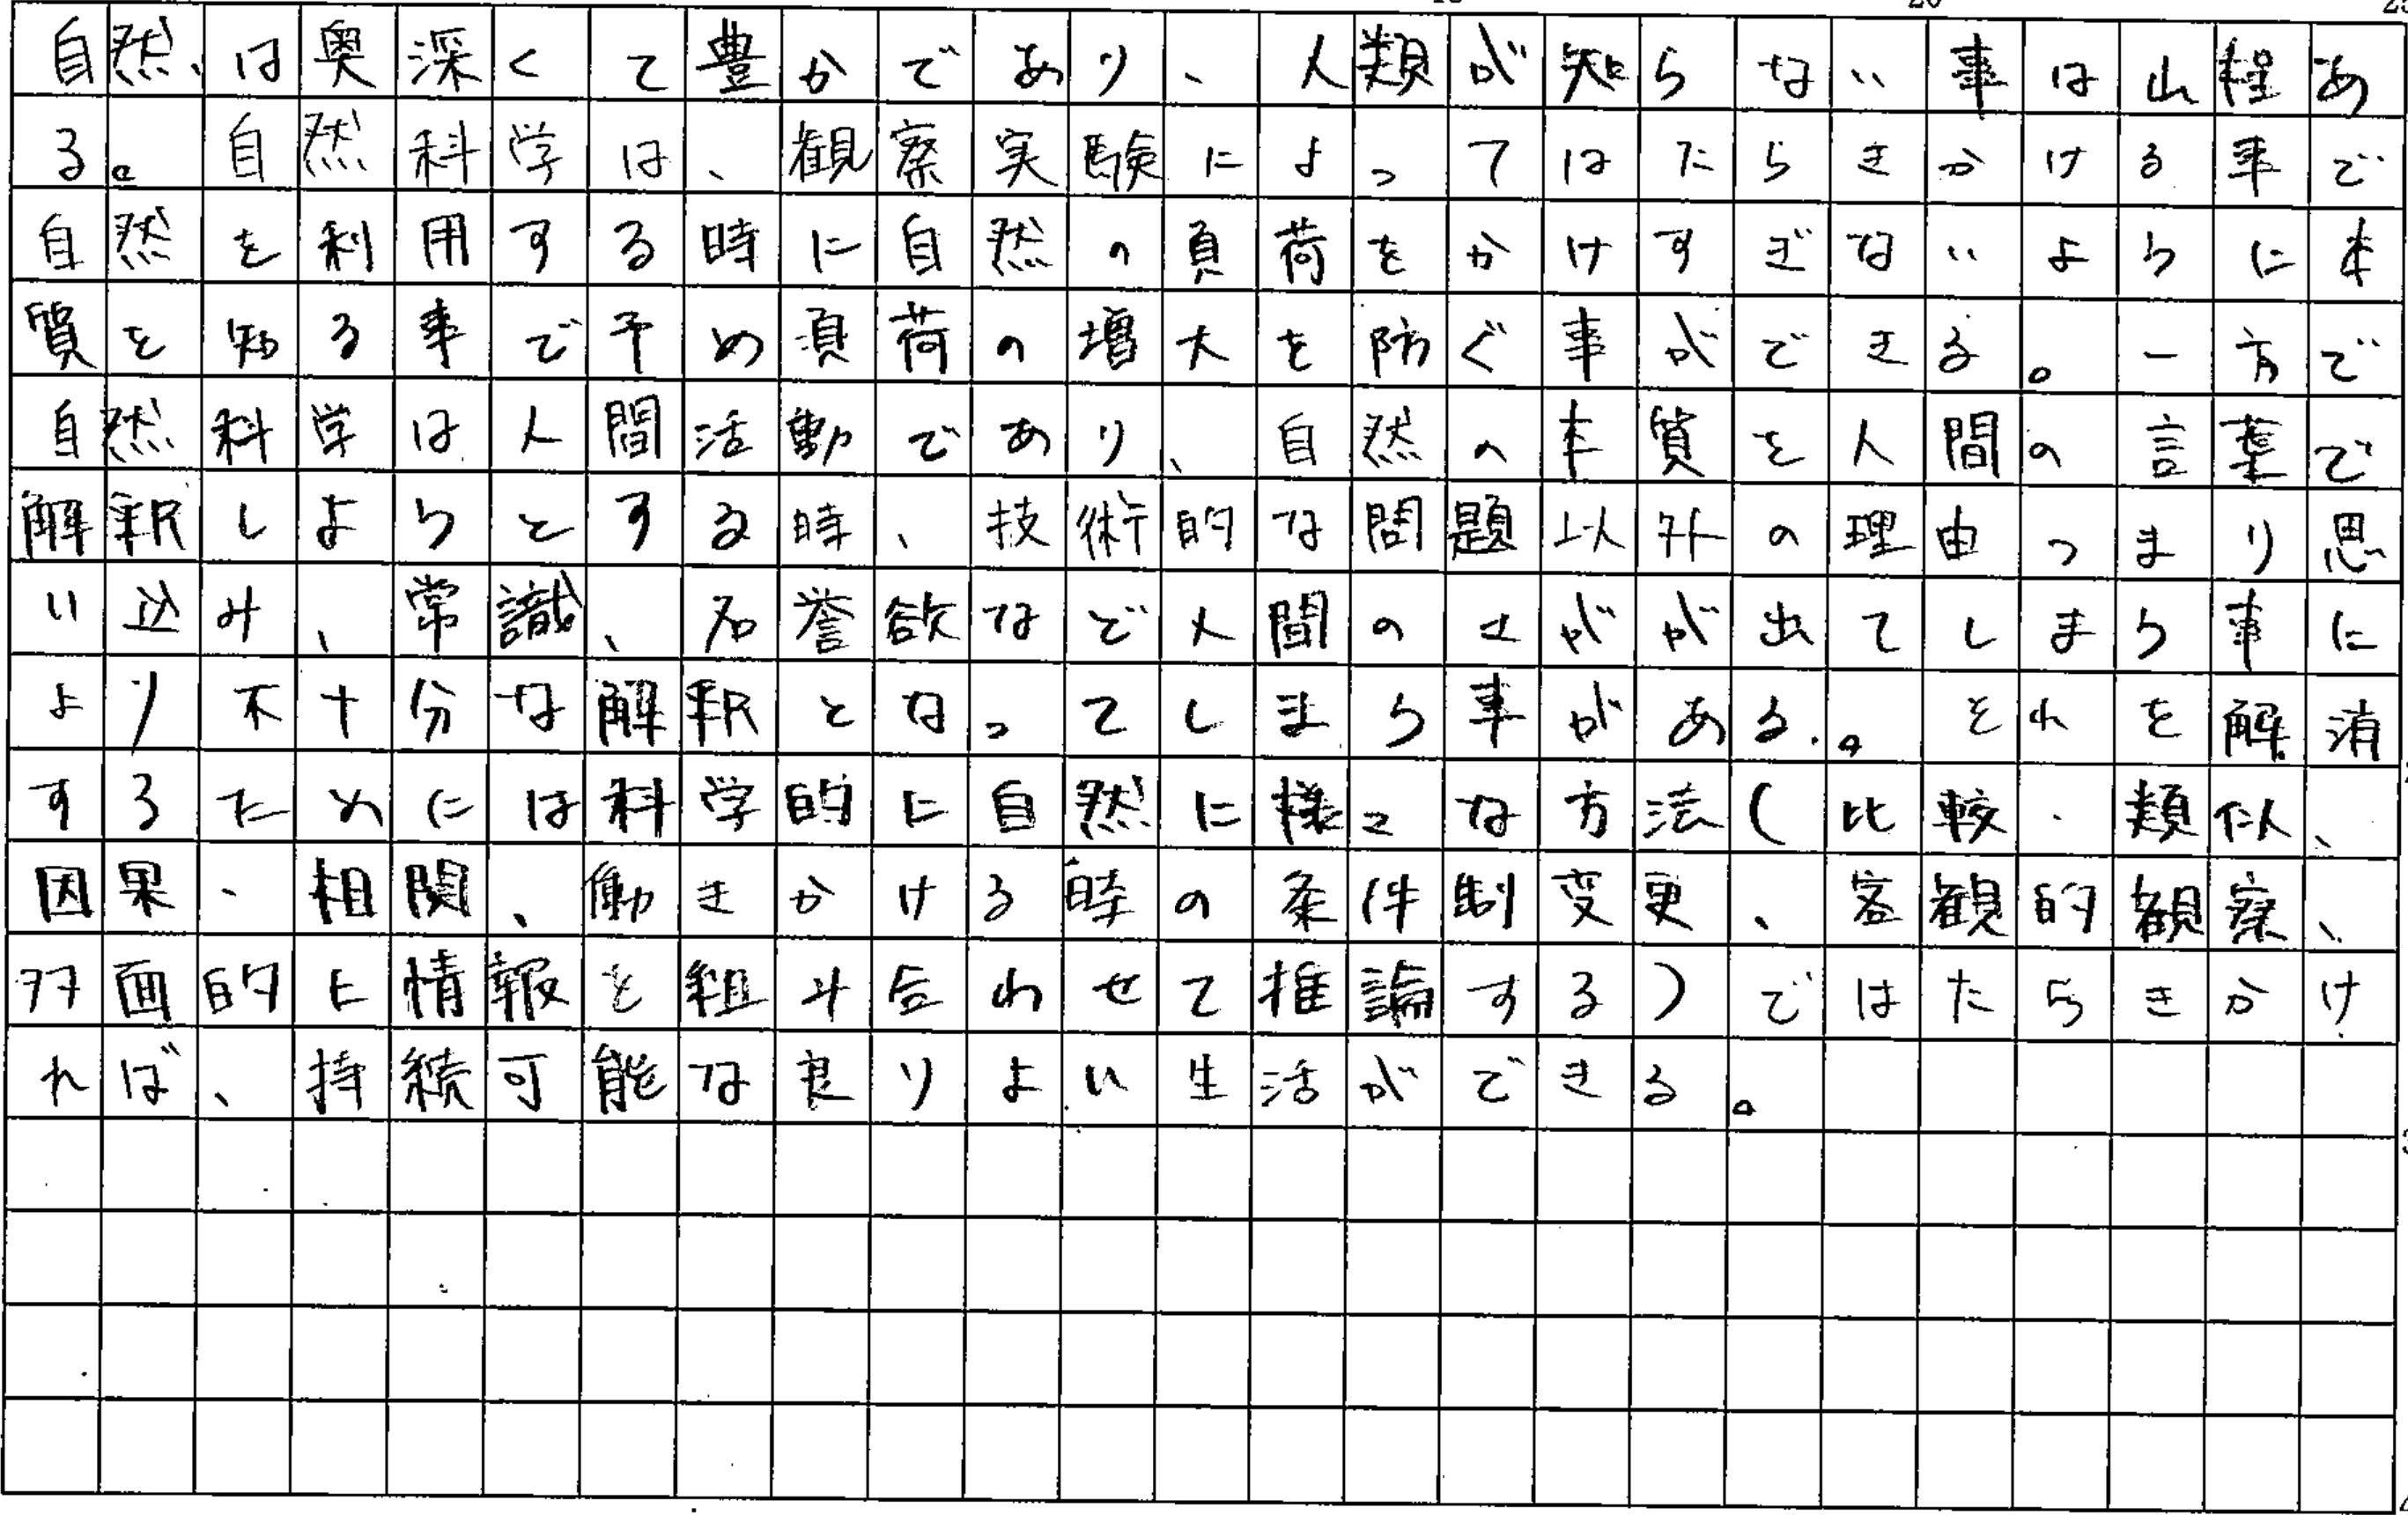自然は奥深くて豊かであり、人類が知らない事は山程ある。自然科学は、観察実験によってはたらきかける事で自然を利用する時に自然の負荷をかけすぎないように本質を知る事で予め負荷の増大を防ぐ事ができる。一方で自然科学は人間活動であり、自然の本質を人間の言葉で解釈しようとする時、技術的な問題以外の理由つまり思い込み、常識、名誉欲など人間のさがが出てしまう事により不十分な解釈となってしまう事がある。それを解消するためには科学的に自然に様々な方法（比較・類似、因果・相関、働きかける時の条件制変更、客観的観察、多面的に情報を組み合わせて推論する）ではたらきかければ、持続可能な良りよい生活ができる。
